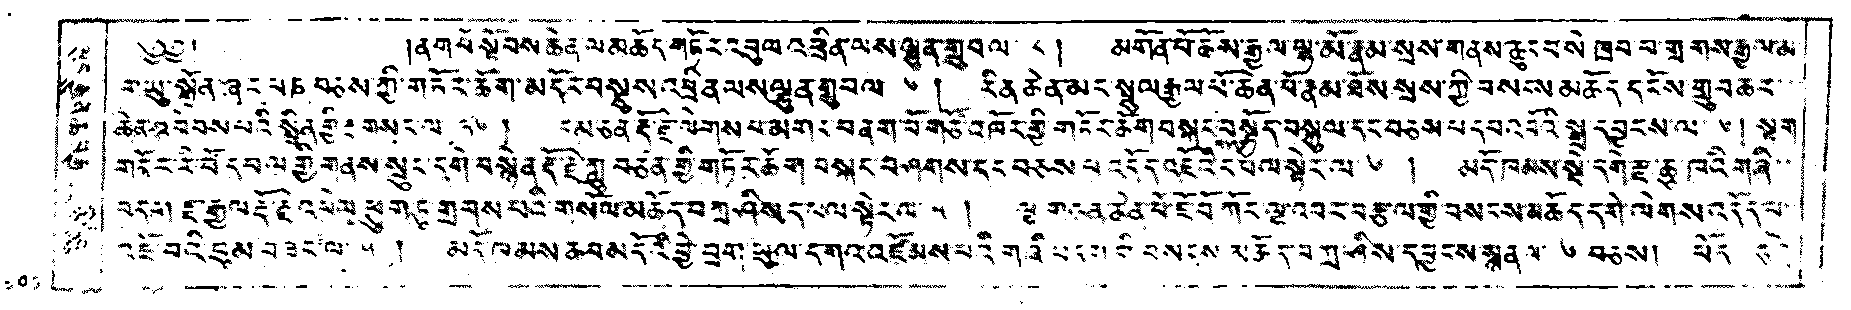༄༅། །ནག་པོ་སྟོབས་ཆེན་ལ་མཆོད་གཏོར་འབུལ་འཕྲིན་ལས་ལྷུན་གྲུབ་ལ ༨། མགོན་པོ་ཆོས་རྒྱལ་ལྷ་མོ་རྣམ་སྲས་གནས་ཆུང་བསེ་ཁྲབ་པ་གྲགས་རྒྱལ་མ་
གཡུ་སྒྲོན་ཞང་པཎ་བཅས་ཀྱི་གཏོར་ཆོག་མདོར་བསྡུས་འཕྲིན་ལས་ལྷུན་གྲུབ་ལ ༦། རིན་ཆེན་མང་སྤྲུལ་རྒྱལ་པོ་ཆེན་པོ་རྣམ་ཐོས་སྲས་ཀྱི་བསངས་མཆོད་དངོས་གྲུབ་ཆར་
ཆེན་འབེབས་པའི་སྤྲིན་གྱི་རྔ་གསང་ལ ༢༦། དམ་ཅན་རྡོ་རྗེ་ལེགས་པ་མགར་བ་ནག་པོ་གཙོ་འཁོར་གྱི་གཏོར་ཆོག་བསྐང་བཤགས་བསྟོད་བསྐུལ་དང་བཅས་པ་དཔའ་བོའི་སྒྲ་དབྱངས་ལ ༦། སྟག་
གདོང་རི་བོ་དཔལ་གྱི་གནས་སྲུང་དགེ་བསྙེན་རྡོ་རྗེ་ཀླུ་བཙན་གྱི་གཏོར་ཆོག་བསྐང་བཤགས་དང་བཅས་པ་འདོད་འཇོའི་དཔལ་སྟེར་ལ ༦། མདོ་ཁམས་སྡེ་དགེ་རྫས་ཆུ་ཁའི་གཞི་
བདག་རྫ་རྒྱལ་རྡོ་རྗེ་འཕེལ་ཕྱུག་ཏུ་གྲགས་པའི་གསོལ་མཆོད་བཀྲ་ཤིས་དཔལ་སྟེར་ལ ༥། ལྷ་གཉན་ཆེན་པོ་ཇོ་བོ་ཀོང་ལྷ་འབར་བ་རྩལ་གྱི་བསངས་མཆོད་དགེ་ལེགས་འདོད་པ་
འཇོ་བའི་བུམ་བཟང་ལ ༥། མདོ་ཁམས་ཆབ་མདོའི་བྱེ་བྲག་ཡུལ་དགའ་འཛོམས་པའི་གཞི་བདག་གི་བསངས་མཆོད་བཀྲ་ཤིས་དབྱངས་སྙན་ལ ༦་བཅས། པོད་ཅ྄